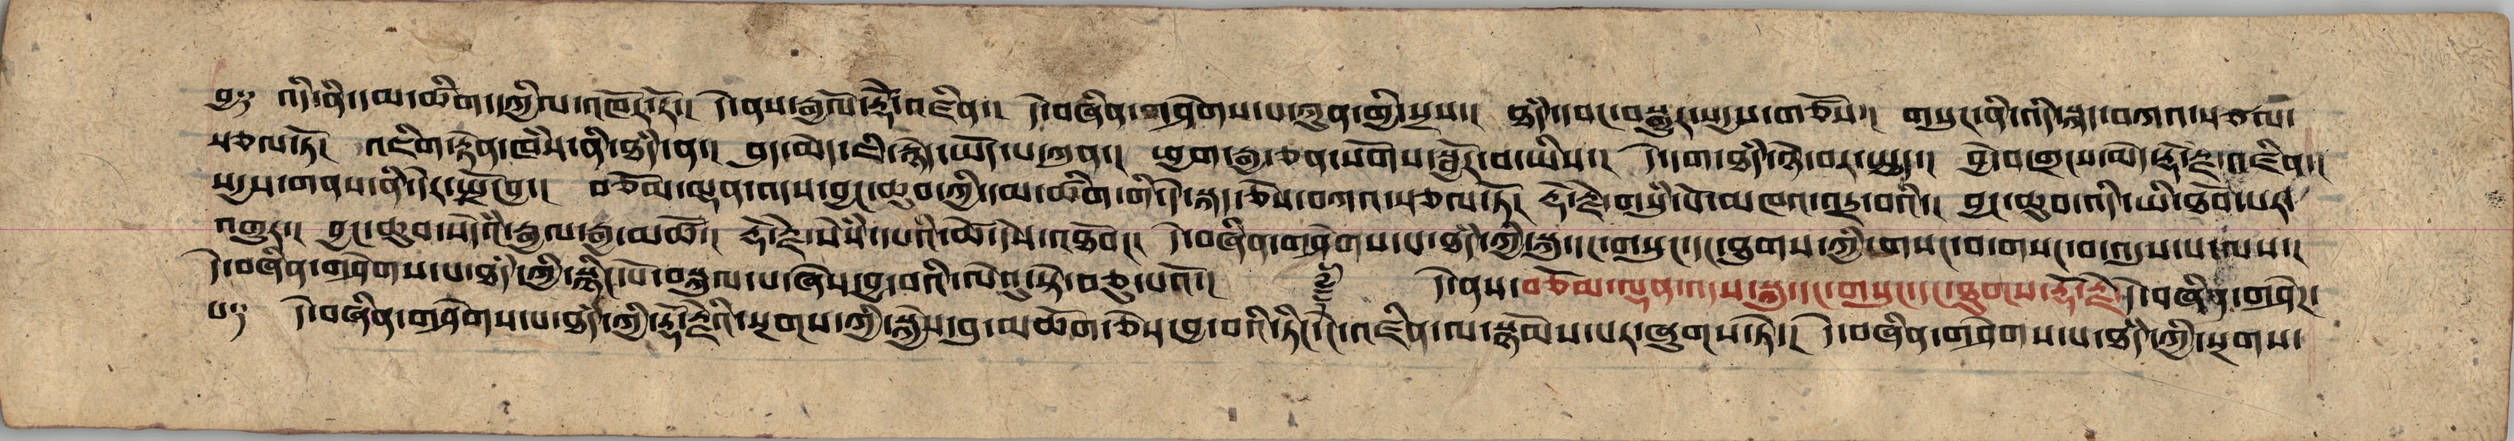བྱ༑ འདི་ནི་དམ་ཚིག་དཀྱིལ་འཁོར་རོ་། དེ་ནས་རྒྱལོ་རྡོེ་འཛིན་། དེ་བཞིན་གཤེགས་པ་ཀུན་གྱི་སྲས་། ཐཾད་དབང་བསྒྱུར་སདྱས་གཙོས་། གསུང་ནི་འདི་སྐད་བཀའ་སྩལ་
སྩལ་ཏོ། འཇིག་རྟེན་ཁཾས་ནི་ཐཾད་ན་། བུད་མེད་ཇི་སྙེད་ཡོད་པ་ཀུན་། ཕྱག་རྒྱ་ཅན་སོགས་སྦྱོར་བ་ཡིས་། དེ་དག་ཐཾད་ཉེ་བར་སྤྱད་། བྱེ་བ་གྲངས་མེད་རྡོ་རྗེ་འཛིན་།
སདྱས་གནས་ནི་དེར་སྤྲོ་བྱ་། བཅོམ་ལྡན་འདས་བྱང་ཆུབ་ཀྱི་དམ་ཚིག་གི་དེ་སྐད་ཅེས་བཀའ་སྩལ་ཏོ། རྡོ་རྗེ་གསུཾ་པོ་མཁའ་འདྲ་བའི་། བྱང་ཆུབ་འདི་ཡི་ཐོབ་པར་
འགྱུར་། བྱང་ཆུབ་སེདཾའ་རྒྱལ་རྒྱ་མཚོ་། རྡོ་རྗེ་སེསཾ་དཔའི་ཚེ་དེས་འཐོབ།།། དེ་བཞིན་གཤེགས་པ་ཐཾད་ཀྱི་སྐུ་དང་གསུང་དང་ཐུགས་ཀྱི་གསང་བ་གསང་བ་འདུས་པ་ལས་།
དེ་བཞིན་གཤེགས་པ་ཐཾད་ཀྱི་སྙིང་པོ་བསྐུལ་པ་ཞེས་བྱ་བའི་ལེའུ་སྟེ་བཅུ་པའོ་། ࿑ དེ་ནས་བཅོམ་ལྡན་འདས་སྐུ་དང་གསུང་དང་ཐུགས་རྡོ་རྗེ་དེ་བཞིན་གཤེཌ་
པ༑ དེ་བཞིན་གཤེགས་པ་ཐཾད་ཀྱི་རྡོ་རྗེའི་སྔགས་ཀྱི་སྐྱེས་བུ་མཆོག་ཅེས་བྱ་བའི་ཏིང་ངེ་འཛིན་ལ་སྙོམས་པར་ཞུགས་ཏེ་། དེ་བཞིན་གཤེགས་པ་ཐཾད་ཀྱི་སྔགས་